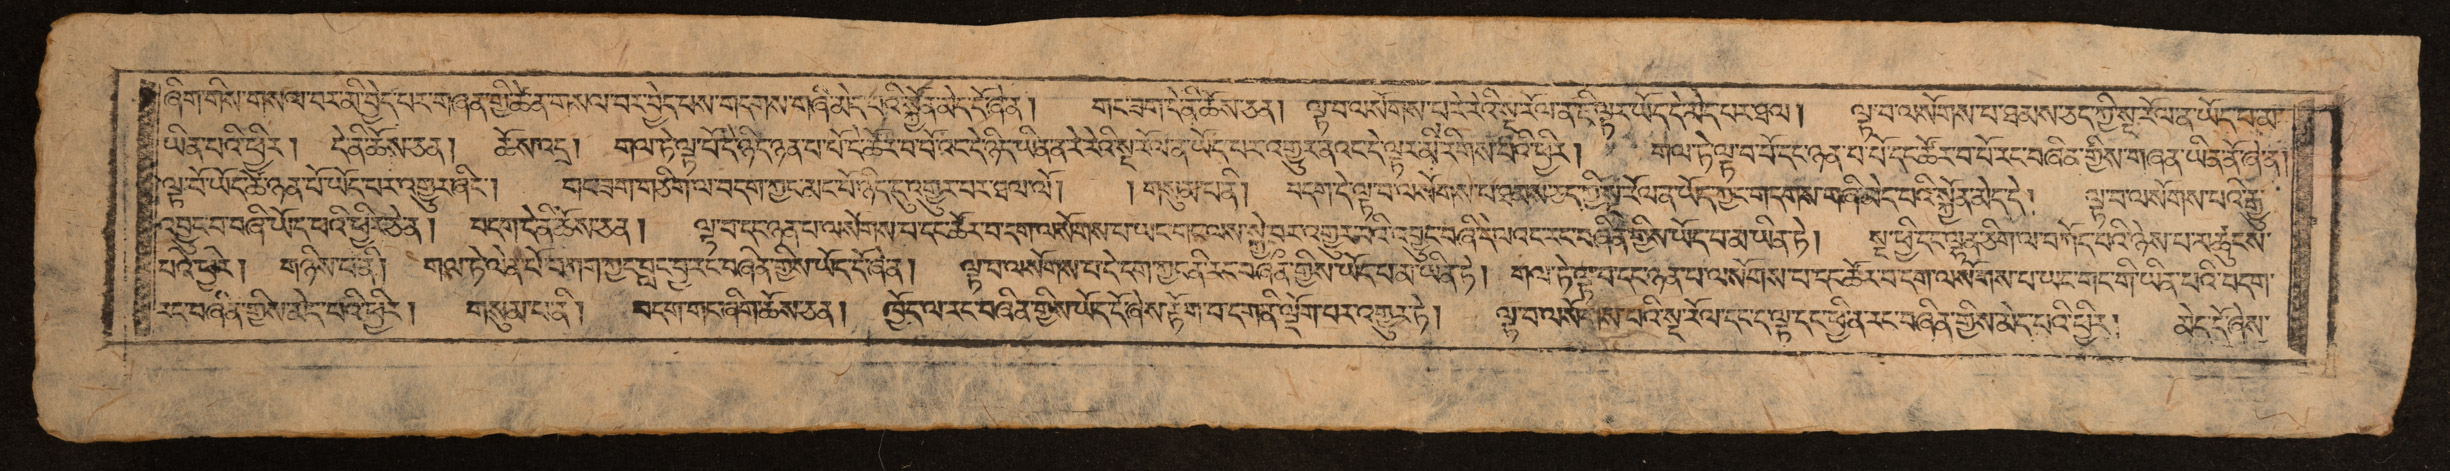ཞིག་གིས་གསལ་བར་མི་བྱེད་པར་གཞན་གྱི་ཚེ་ན་གསལ་བར་བྱེད་པས་གདགས་གཞི་མེད་པའི་སྐྱོན་མེད་དོ་ཞེ་ན། གང་ཟག་དེ་ནི་ཆོས་ཅན། ལྟ་བ་ལ་སོགས་པ་རེ་རེའི་སྔ་རོལ་ན་ཇི་ལྟར་ཡོད་དེ་མེད་པར་ཐལ། ལྟ་བ་ལ་སོགས་པ་ཐམས་ཅད་ཀྱི་སྔ་རོལ་ན་ཡོད་པ་མ་
ཡིན་པའི་ཕྱིར། དེ་ནི་ཆོས་ཅན། ཆོས་འདྲ། གལ་ཏེ་ལྟ་བོ་དེ་ཉིད་ཉན་པ་པོ་དེ་ཚོར་བ་པོ་འང་དེ་ཉིད་ཡིན་ན་རེ་རེའི་སྔ་རོལ་ན་ཡོད་པར་འགྱུར་ནའང་དེ་ལྟར་མི་རིགས་པའི་ཕྱིར། གལ་ཏེ་ལྟ་བ་པོ་དང་ཉན་པ་པོ་དང་ཚོར་བ་པོ་རང་བཞིན་གྱིས་གཞན་ཡིན་ནོ་ཞེ་ན།
ལྟ་བོ་ཡོད་ཚེ་ཉན་པོ་ཡོད་པར་འགྱུར་ཞིང་། གང་ཟག་གཅིག་ལ་བདག་ཀྱང་མང་པོ་ཉིད་དུ་འགྱུར་བར་ཐལ་ལོ། །གསུམ་པ་ནི། བདག་དེ་ལྟ་བ་ལ་སོགས་པ་ཐམས་ཅད་ཀྱི་སྔ་རོལ་ན་ཡོད་ཀྱང་གདགས་གཞི་མེད་པའི་སྐྱོན་མེད་དེ། ལྟ་བ་ལ་སོགས་པའི་རྒྱུ་
འབྱུང་བ་བཞི་ཡོད་པའི་ཕྱིར་ཅེ་ན། བདག་དེ་ནི་ཆོས་ཅན། ལྟ་བ་དང་ཉན་པ་ལ་སོགས་པ་དང་ཚོར་བ་དག་ལ་སོགས་པ་ཡང་གང་ལས་སྐྱེ་བར་འགྱུར་བའི་འབྱུང་བཞི་དེ་ལའང་རང་བཞིན་གྱིས་ཡོད་པ་མ་ཡིན་ཏེ། སྔ་ཕྱི་དང་ལྷན་ཅིག་ལ་བཀོད་པའི་ཉེས་པ་མཚུངས་
པའི་ཕྱིར། གཉིས་པ་ནི། གལ་ཏེ་ལེན་པོ་བཀག་ཀྱང་བླང་བྱ་རང་བཞིན་གྱིས་ཡོད་དོ་ཞེ་ན། ལྟ་བ་ལ་སོགས་པ་དེ་དག་ཀྱང་ནི་རང་བཞིན་གྱིས་ཡོད་པ་མ་ཡིན་ཏེ། གལ་ཏེ་ལྟ་བ་དང་ཉན་པ་ལ་སོགས་པ་དང་ཚོར་བ་དག་ལ་སོགས་པ་ཡང་གང་གི་ཡིན་པའི་བདག་
རང་བཞིན་གྱིས་མེད་པའི་ཕྱིར། གསུམ་པ་ནི། བདག་གང་ཞིག་ཆོས་ཅན། ཁྱོད་ལ་རང་བཞིན་གྱིས་ཡོད་དོ་ཞེས་རྟོག་པ་དག་ནི་ལྡོག་པར་འགྱུར་ཏེ། ལྟ་བ་ལ་སོགས་པའི་སྔ་རོལ་དང་ང་ལྟ་དང་ཕྱི་ན་རང་བཞིན་གྱིས་མེད་པའི་ཕྱིར། མེད་དོ་ཞེས་